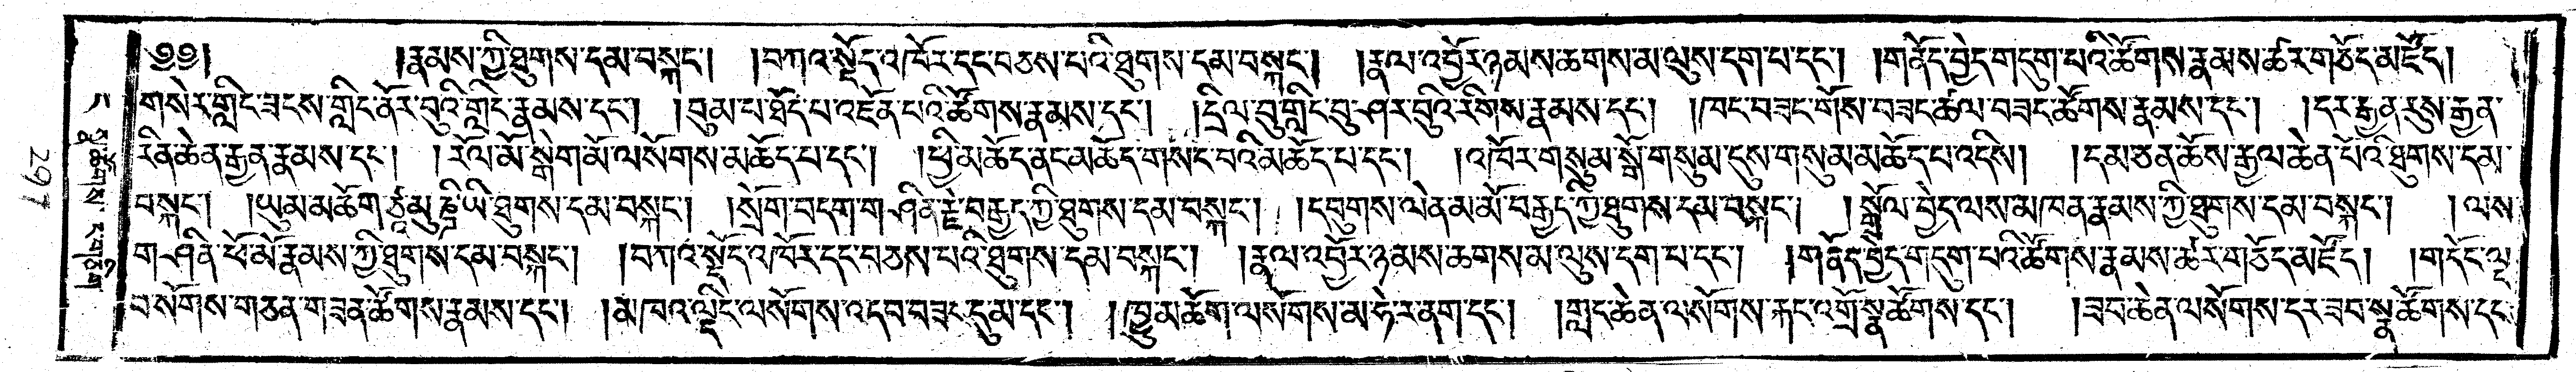༄༅། །རྣམས་ཀྱི་ཐུགས་དམ་བསྐང་། །བཀའ་སྡོད་འཁོར་དང་བཅས་པའི་ཐུགས་དམ་བསྐང་། །རྣལ་འབྱོར་ཉམས་ཆགས་མ་ལུས་དག་པ་དང་། །གནོད་བྱེད་གདུག་པའི་ཚོགས་རྣམས་ཚར་གཅོད་མཛོད།
གསེར་གླིང་ཟངས་གླིང་ནོར་བུའི་གླིང་རྣམས་དང་། །བུམ་པ་ཐོད་པ་འཇོན་པའི་ཚོགས་རྣམས་དང་། །དྲིལ་བུ་གླིང་བུ་ཤར་བུའི་རིགས་རྣམས་དང་། །ཁང་བཟང་གོས་བཟང་ཚལ་བཟང་ཚོགས་རྣམས་དང་། །དར་རྒྱན་རུས་རྒྱན་
རིན་ཆེན་རྒྱན་རྣམས་དང་། །རོལ་མོ་སྒེག་མོ་ལ་སོགས་མཆོད་པ་དང་། །ཕྱི་མཆོད་ནང་མཆོད་གསང་བའི་མཆོད་པ་དང་། །འཁོར་གསུམ་སྒོ་གསུམ་དུས་གསུམ་མཆོད་པ་འདིས། །དམ་ཅན་ཆོས་རྒྱལ་ཆེན་པོའི་ཐུགས་དམ་
བསྐང་། །ཡུམ་མཆོག་ཙཱ་མུཎྜི་ཡི་ཐུགས་དམ་བསྐང་། །སྲོག་བདག་གཤིན་རྗེ་བརྒྱད་ཀྱི་ཐུགས་དམ་བསྐང་། །དབུགས་ལེན་མ་མོ་བརྒྱད་ཀྱི་ཐུགས་དམ་བསྐང་། །སྒྲོལ་བྱེད་ལས་མཁན་རྣམས་ཀྱི་ཐུགས་དམ་བསྐང་། །ལས་
གཤིན་ཕོ་མོ་རྣམས་ཀྱི་ཐུགས་དམ་བསྐང་། །བཀའ་སྡོད་འཁོར་དང་བཅས་པའི་ཐུགས་དམ་བསྐང་། །རྣལ་འབྱོར་ཉམས་ཆགས་མ་ལུས་དག་པ་དང་། །གནོད་བྱེད་གདུག་པའི་ཚོགས་རྣམས་ཚར་གཅོད་མཛོད། །གདོང་ལྔ་
བ་སོགས་གཅན་གཟན་ཚོགས་རྣམས་དང་། །མཁའ་ལྡིང་ལ་སོགས་འདབ་བཟང་དུ་མ་དང་། །ཁྱུ་མཆོག་ལ་སོགས་མ་ཧེ་ར་ནག་དང་། །གླང་ཆེན་ལ་སོགས་རྐང་འགྲོ་སྣ་ཚོགས་དང་། །ཟབ་ཆེན་ལ་སོགས་དར་ཟབ་སྣ་ཚོགས་དང་